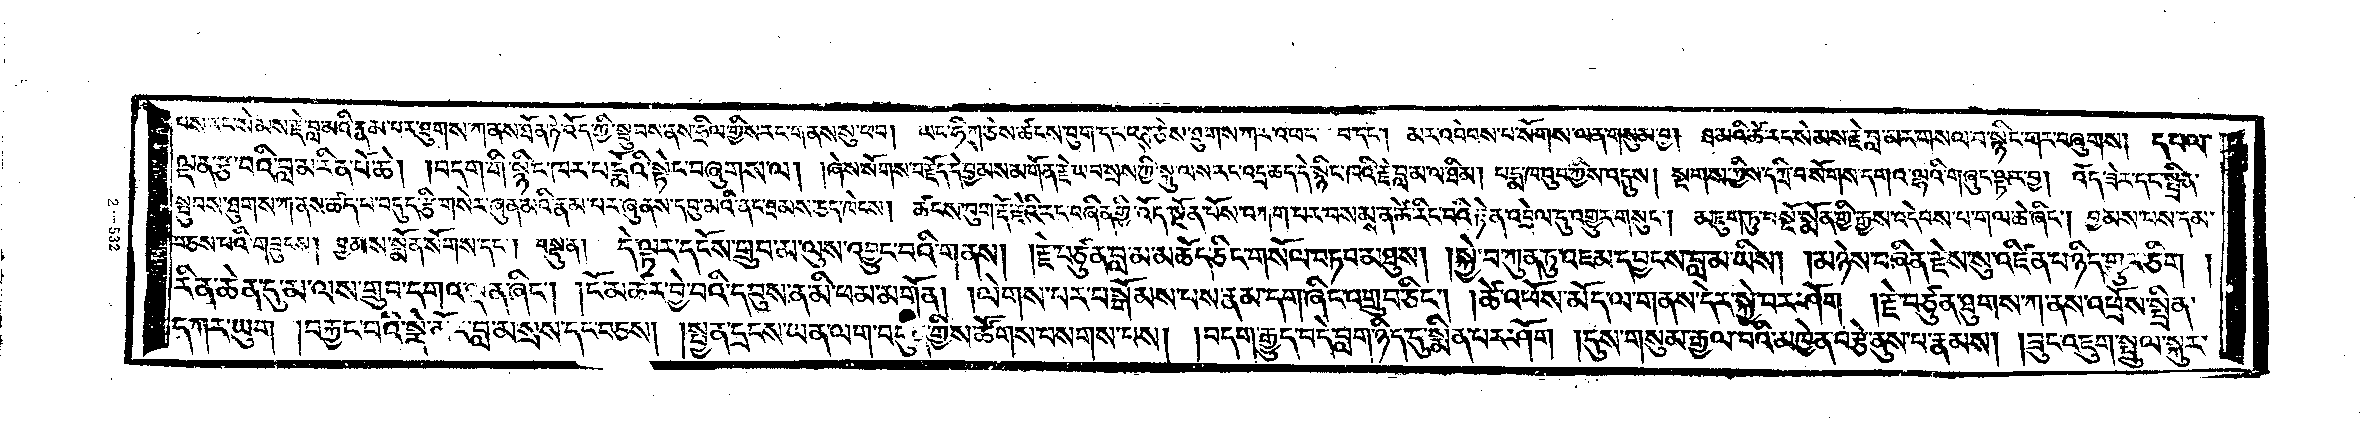པས་རང་སེམས་རྗེ་བླ་མའི་རྣམ་པར་ཐུགས་ཀ་ནས་ཐོན་ཏེ་འོད་ཀྱི་སྦུབས་ནས་ཧྲིལ་གྱིས་རང་གནས་སུ་ཕབ། ཡང་ཧིཀ་ཅེས་ཚངས་བུག་དང་ཕཊ་ཅེས་ཐུགས་ཀར་འཕང་བ་དང་། མར་འབེབས་པ་སོགས་ལན་གསུམ་བྱ། ཐ་མའི་ཚེ་རང་སེམས་རྗེ་བླ་མར་གསལ་བ་སྙིང་གར་བཞུགས། དཔལ་
ལྡན་རྩ་བའི་བླ་མ་རིན་པོ་ཆེ། །བདག་གི་སྙིང་ཁར་པདམོའི་སྟེང་བཞུགས་ལ། །ཞེས་སོགས་བརྗོད་དེ་བྱམས་མགོན་རྗེ་ཡབ་སྲས་ཀྱི་སྐུ་ལས་རང་འདྲ་ཆད་དེ་སྙིང་ཁའི་རྗེ་བླ་མ་ལ་ཐིམ། པདམ་ཁ་བུབ་ཀྱིས་འདུས། སྔགས་ཀྱིས་དཀྲི་བ་སོགས་དགའ་ལྷའི་གཞུང་ལྟར་བྱ། འོད་ཟེར་དང་སྤྲིན་
སྦུབས་ཐུགས་ཀ་ནས་ཚད་པ་བདུད་རྩི་གསེར་ཞུན་མའི་རྣམ་པར་ཞུ་ནས་དབུ་མའི་ནང་ཐམས་ཅད་ཁེངས། ཚངས་བུག་རྡོ་རྗེའི་རང་བཞིན་གྱི་འོད་སྔོན་པོས་བཀག་པར་བསམས་ན་ཚེ་རིང་བའི་རྟེན་འབྲེལ་དུ་འགྱུར་གསུང་། མཇུག་ཏུ་བསྔོ་སྨོན་གྱི་རྒྱས་འདེབས་པ་གལ་ཆེ་ཞིང་། བྱམས་པས་དམ་
བཅས་པའི་གཟུངས། བྱམས་སྨོན་སོགས་དང་། བསྡུ་ན། དེ་ལྟར་དངོས་གྲུབ་མ་ལུས་འབྱུང་བའི་གནས། །རྗེ་བཙུན་བླ་མ་མཆོད་ཅིང་གསོལ་བཏབ་མཐུས། །སྐྱེ་བ་ཀུན་ཏུ་འཇམ་དབྱངས་བླ་མ་ཡིས། །མཉེས་བཞིན་རྗེས་སུ་འཛིན་པ་ཉིད་གྱུར་ཅིག །
རིན་ཆེན་དུ་མ་ལས་གྲུབ་དགའ་ལྡན་ཞིང་། །ངོ་མཚར་བྱེ་བའི་དབུས་ན་མི་ཕམ་མགོན། །ལེགས་པར་བསྒོམས་པས་རྣམ་དག་ཞིང་འགྲུབ་ཅིང་། །ཚེ་འཕོས་མོད་ལ་གནས་དེར་སྐྱེ་བར་ཤོག །རྗེ་བཙུན་ཐུགས་ཀ་ནས་འཕྲོས་སྤྲིན་
དཀར་ཡུག །བརྐྱང་བའི་སྣེ་མོར་བླ་མ་སྲས་དང་བཅས། །སྤྱན་དྲངས་ཡན་ལག་བདུན་གྱིས་ཚོགས་བསགས་པས། །བདག་རྒྱུད་བདེ་བླག་ཉིད་དུ་སྨིན་པར་ཤོག །དུས་གསུམ་རྒྱལ་བའི་མཁྱེན་བརྩེ་ནུས་པ་རྣམས། །ཟུང་འཇུག་སྤྲུལ་སྐུར་